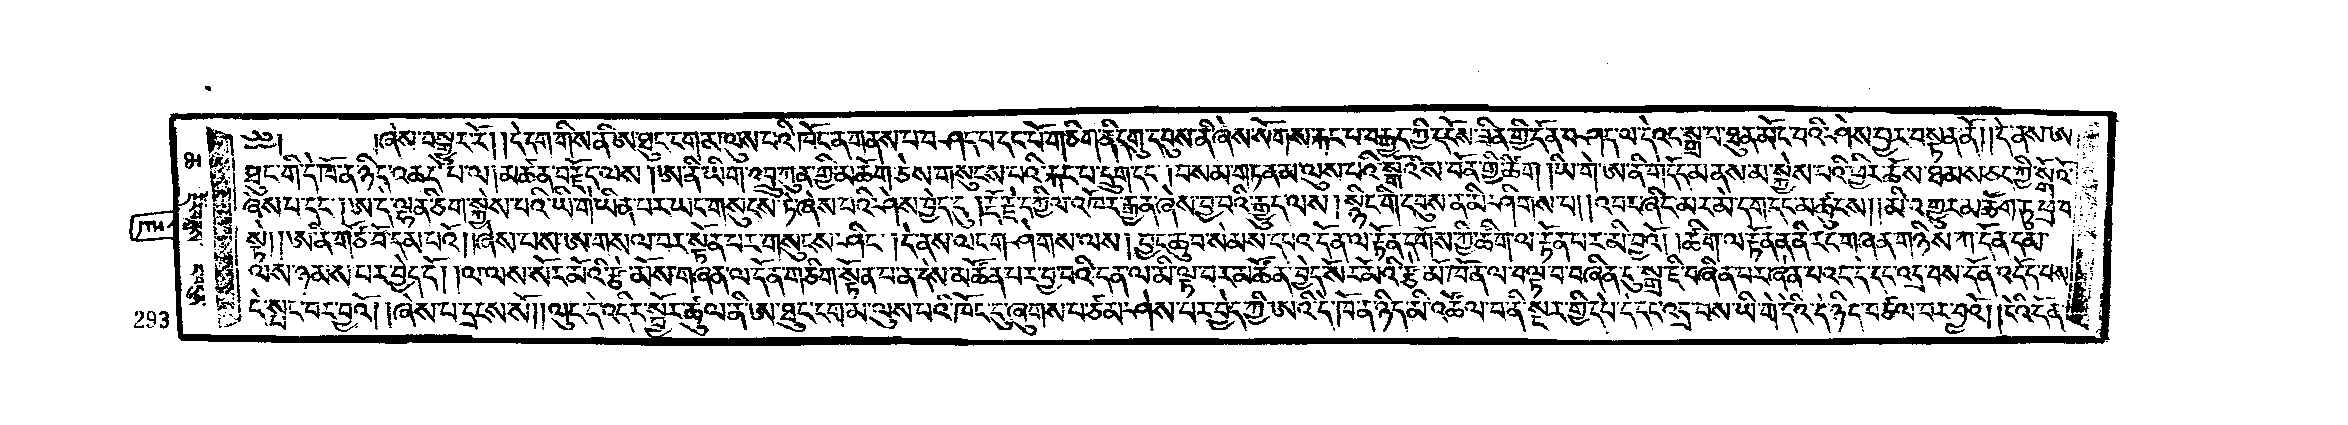༄༅། །ཞེས་བསྒྱུར་རོ། །དེ་དག་གིས་ནི་ཨ་ཐུང་ངག་མ་ལུས་པའི་ཁོང་ན་གནས་པ་བཤད་པ་དང་པོ་གཅིག་ནི་དགུ་དབུས་ན་ཞེས་སོགས་རྐང་པ་བརྒྱད་ཀྱི་དངོས་ཟིན་གྱི་དོན་བཤད་ལ་དེའང་སྒྲ་པ་ཐུན་མོང་བའི་ཤེས་བྱར་བསྟན་ནོ། །དེ་ནས་ཨ་
ཐུང་གི་དེ་ཁོ་ན་ཉིད་འཆད་པ་ལ། མཚན་བརྗོད་ལས། ཨ་ནི་ཡིག་འབྲུ་ཀུན་གྱི་མཆོག་ཅེས་གསུངས་པའི་རྐང་པ་དྲུག་དང་། བསམ་གཏན་མ་ལུས་པའི་སྒོའི་ས་བོན་གྱི་ཚིག །ཡི་གེ་ཨ་ནི་གདོད་མ་ནས་མ་སྐྱེས་པའི་ཕྱིར་ཆོས་ཐམས་ཅད་ཀྱི་སྒོའོ་
ཞེས་པ་དང་། ཨ་དེ་ལྷན་ཅིག་སྐྱེས་པའི་ཡི་གེ་ཡིན་པར་ཡང་གསུངས་ཏེ་ཞེས་པའི་ཤེས་བྱེད་དུ། རྡོ་རྗེ་དཀྱིལ་འཁོར་རྒྱན་ཞེས་བྱ་བའི་རྒྱུད་ལས། སྙིང་གི་དབུས་ན་མི་ཤིགས་པ། །འབར་ཞིང་མར་མེ་ངག་དང་མཚུངས། །མི་འགྱུར་མཆོག་ཏུ་ཕྲ་བ་
སྟེ། །ཨ་ནི་གཙོ་བོ་དམ་པའོ། །ཞེས་པས་ཨ་གསལ་བར་སྟོན་པར་གསུངས་ཤིང་། དེ་ནས་ལང་གཤེགས་ལས། བྱང་ཆུབ་སེམས་དཔའ་དོན་ལ་རྟོན་དགོས་ཀྱི་ཚིག་ལ་རྟོན་པར་མི་བྱའོ། །ཚིག་ལ་རྟོན་ན་ནི་རང་གཞན་གཉིས་ཀ་དོན་དམ་
ལས་ཉམས་པར་བྱེད་དོ། །ལ་ལས་སོར་མོའི་རྩེ་མོས་གཞན་ལ་དོན་གཅིག་སྟོན་པ་ན་དེས་མཚོན་པར་བྱ་བའི་དོན་ལ་མི་ལྟ་བར་མཚོན་བྱེད་སོར་མོའི་རྩེ་མོ་ཁོ་ན་ལ་བལྟ་བ་བཞིན་དུ་སྒྲ་ཇི་བཞིན་པར་ཞེན་པའང་དེ་དང་འདྲ་བས་དོན་འདོད་པས་
དེ་སྤང་བར་བྱའོ། །ཞེས་པ་དྲངས་སོ། །ལུང་དེ་འདིར་སྦྱོར་ཚུལ་ནི་ཨ་ཐུང་ངག་མ་ལུས་པའི་ཁོང་དུ་ཞུགས་པ་ཙམ་ཤེས་པར་བྱེད་ཀྱི་ཨཱི་དེ་ཁོ་ན་ཉིད་མི་འཚོལ་བ་ནི་སྔར་གྱི་དཔེ་དེ་དང་འདྲ་བས་ཡི་གེ་དེའི་དེ་ཉིད་བཙལ་བར་བྱའོ། །དེའི་དོན་